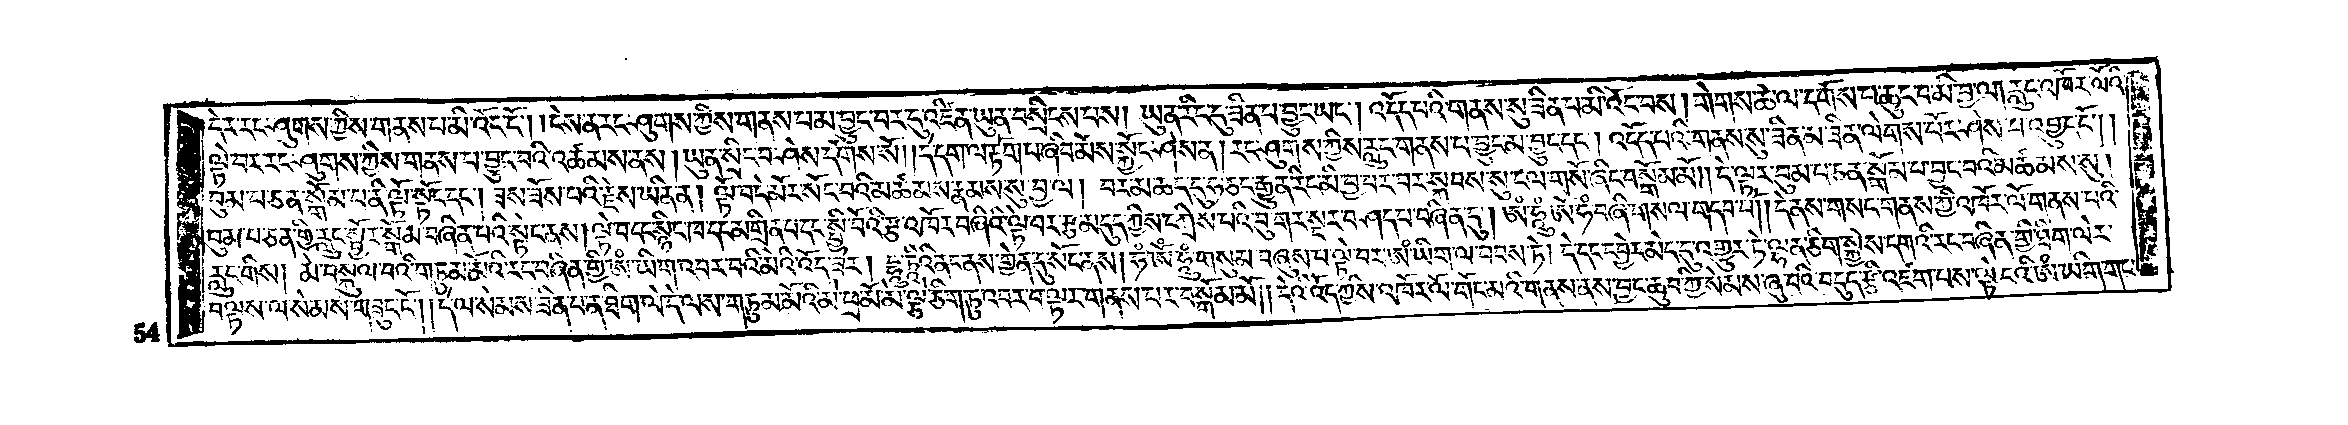དེར་རང་ཤུགས་ཀྱིས་གནས་པ་མི་འོང་ངོ། །ངེས་ན་རང་ཤུགས་ཀྱིས་གནས་པ་མ་བྱུང་བར་དུ་འཛིན་ཡུན་བསྲིངས་པས། ཡུན་རིང་དུ་ཟིན་པ་བྱུང་ཡང་། འདོད་པའི་གནས་སུ་ཟིན་པ་མི་འོང་བས། གེགས་ཆེ་ལ་དགོས་པ་ཆུང་བ་མི་བྱ་ལ། རླུང་འཁོར་ལོའི་
ལྟེ་བར་རང་ཤུགས་ཀྱིས་གནས་པ་བྱུང་བའི་འཚམས་ནས། ཡུན་སྲིང་བས་ཤེས་དགོས་སོ། །དེ་དག་ལ་རྟོག་པ་ཞིབ་མོས་སྐྱོང་ཤེས་ན། རང་ཤུགས་ཀྱིས་རླུང་གནས་པ་བྱུང་མ་བྱུང་དང་། འདོད་པའི་གནས་སུ་ཟིན་མ་ཟིན་ལེགས་པོར་ཤེས་པ་འབྱུང་ངོ། །
བུམ་པ་ཅན་སྒོམ་པ་ནི་ལྟོ་སྟོང་དང་། ཟས་ཟོས་པའི་རྗེས་ཡིན་ན། ལྟོ་བདེ་མོར་སོང་བའི་མཚམས་རྣམས་སུ་བྱ་ལ། བར་མ་ཆད་དུ་ཧ་ཅང་རྒྱུན་རིང་མི་བྱ་བར་བར་སྐབས་སུ་ངལ་གསོ་ཞིང་བསྒོམ་མོ། །དེ་ལྟར་བུམ་པ་ཅན་སྒོམ་པ་བྱང་བའི་མཚམས་སུ།
བུམ་པ་ཅན་གྱི་རླུང་སྦྱོར་སྒོམ་བཞིན་པའི་སྟེང་ནས། ལྟེ་བ་དང་སྙིང་ཁ་དང་མགྲིན་པ་དང་སྤྱི་བོའི་རྩ་འཁོར་བཞིའི་ལྟེ་བར་རྩ་མདུད་ཀྱིས་དཀྲིས་པའི་བུ་གར་སྔར་བཤད་པ་བཞིན་དུ། ཨཾ་ཧཱུཾ་ཨོཾ་ཧཾ་བཞི་གསལ་གདབ་པོ། །དེ་ནས་གསང་གནས་ཀྱི་འཁོར་ལོ་གནས་པའི་
རླུང་གིས། མེ་བསྐུལ་བའི་གཏུམ་མོའི་རང་བཞིན་གྱི་ཨཾ་ཡིག་འབར་བའི་མེའི་འོད་ཟེར། དྷཱུ་ཏཱིའི་ནང་ནས་གྱེན་དུ་སོང་ནས། ཧཾ་ཨོཾ་ཧཱུཾ་གསུམ་བཞུས་པ་ལྟེ་བར་ཨཾ་ཡིག་ལ་བབས་ཏེ། དེ་དང་དབྱེར་མེད་དུ་འགྱུར་ཏེ་ལྷན་ཅིག་སྐྱེས་དགའི་རང་བཞིན་གྱི་ཐིག་ལེར་
བལྟས་ལ་སེམས་གཟུང་ངོ། །དེ་ལ་སེམས་ཟིན་པ་ན་ཐིག་ལེ་དེ་ལས་གཏུམ་མོའི་མེ་ཕྲ་མོ་མེ་ལྕེ་ཅིག་ཏུ་འབར་བ་ལྟར་གནས་པར་བསྒོམ་མོ། །དེའི་འོད་ཀྱིས་འཁོར་ལོ་གོང་མའི་གནས་ནས་བྱང་ཆུབ་ཀྱི་སེམས་ཞུ་བའི་བདུད་རྩི་འཛག་པས་ལྟེ་བའི་ཨཾ་ཡིག་གང་